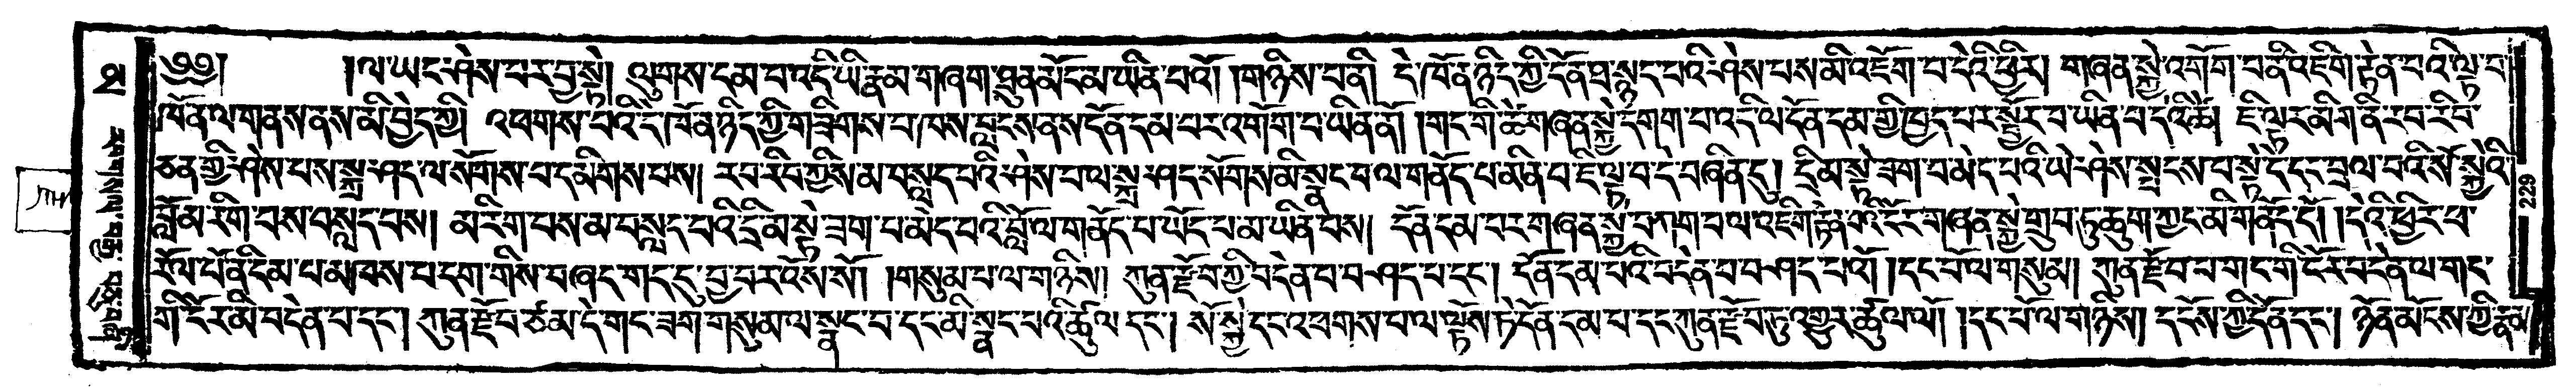༄༅། །ལ་ཡང་ཤེས་པར་བྱ་སྟེ། ལུགས་དམ་པ་འདི་ཡི་རྣམ་གཞག་ཐུན་མོང་མ་ཡིན་པའོ། །གཉིས་པ་ནི། དེ་ཁོ་ན་ཉིད་ཀྱི་དོན་ཐ་སྙད་པའི་ཤེས་པས་མི་འཇོག་པ་དེའི་ཕྱིར། གཞན་སྐྱེ་འགོག་པ་ནི་འཇིག་རྟེན་པའི་ལྟ་བ་
ཁོ་ན་ལ་གནས་ནས་མི་བྱེད་ཀྱི། འཕགས་པའི་དེ་ཁོ་ན་ཉིད་ཀྱི་གཟིགས་པ་ཁས་བླངས་ནས་དོན་དམ་པར་འགོག་པ་ཡིན་ནོ། །གང་གི་ཚེ་གཞན་སྐྱེ་དགག་པ་འདི་ལ་དོན་དམ་གྱི་ཁྱད་པར་སྦྱོར་བ་ཡིན་པ་དེའི་ཚེ། ཇི་ལྟར་མིག་ནི་རབ་རིབ་
ཅན་གྱི་ཤེས་པས་སྐྲ་ཤད་ལ་སོགས་པ་དམིགས་པས། རབ་རིབ་ཀྱིས་མ་བསླད་པའི་ཤེས་པ་ལ་སྐྲ་ཤད་སོགས་མི་སྣང་བ་ལ་གནོད་པ་མིན་པ་ཇི་ལྟ་བ་དེ་བཞིན་དུ། དྲི་མ་སྟེ་ཟག་པ་མེད་པའི་ཡེ་ཤེས་སྤངས་པ་སྟེ་དེ་དང་བྲལ་བའི་སོ་སྐྱེའི་
བློ་མ་རིག་པས་བསླད་པས། མ་རིག་པས་མ་བསླད་པའི་དྲི་མ་སྟེ་ཟག་པ་མེད་པའི་བློ་ལ་གནོད་པ་ཡོད་པ་མ་ཡིན་པས། དོན་དམ་པར་གཞན་སྐྱེ་བཀག་པ་ལ་འཇིག་རྟེན་པའི་ངོར་གཞན་སྐྱེ་གྲུབ་ཏུ་ཆུག་ཀྱང་མི་གནོད་དོ། །དེའི་ཕྱིར་ཕ་
རོལ་པོ་ནི་དམ་པ་མཁས་པ་དག་གིས་བཞད་གད་དུ་བྱ་བར་འོས་སོ། །གསུམ་པ་ལ་གཉིས། ཀུན་རྫོབ་ཀྱི་བདེན་པ་བཤད་པ་དང་། དོན་དམ་པའི་བདེན་པ་བཤད་པའོ། །དང་པོ་ལ་གསུམ། ཀུན་རྫོབ་པ་གང་གི་ངོར་བདེན་ལ་གང་
གི་ངོར་མི་བདེན་པ་དང་། ཀུན་རྫོབ་ཙམ་དེ་གང་ཟག་གསུམ་ལ་སྣང་བ་དང་མི་སྣང་བའི་ཚུལ་དང་། སོ་སྐྱེ་དང་འཕགས་པ་ལ་ལྟོས་ཏེ་དོན་དམ་པ་དང་ཀུན་རྫོབ་ཏུ་འགྱུར་ཚུལ་ལོ། །དང་པོ་ལ་གཉིས། དངོས་ཀྱི་དོན་དང་། ཉོན་མོངས་ཀྱི་རྣམ་